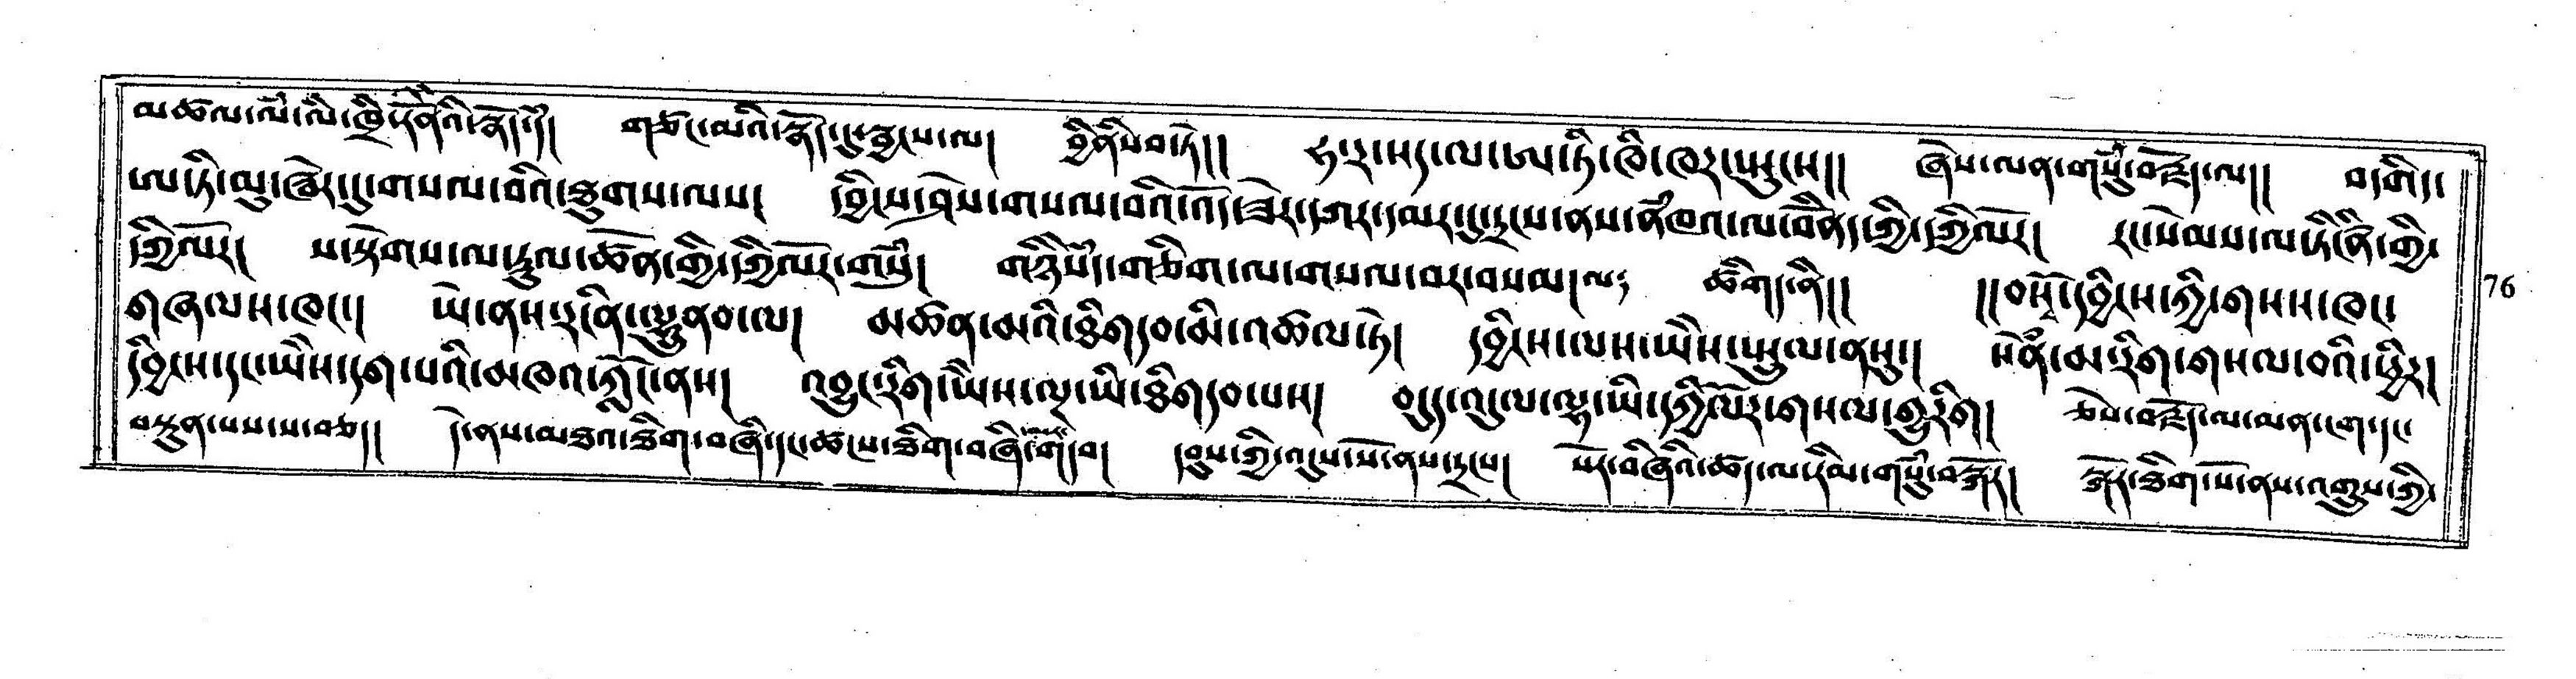མཚལ་ལམ་ལི་ཁྲི་རིན་པོ་ཆེའི་སྣོད་དམ། གཙང་མའི་སྣོད་དུ་སྦྱངས་ལ། བྱིན་གྱིས་བརླབས་ཏེ། ཧ་ར་སད་ལ་ཨ་ཏི་ཁི་ཁར་སྤུངས།། ཞེས་ལན་གསུམ་བརྗོད་ལ།། བདག་ཉིད་
ཨ་ཏི་མུ་ཝེར་དུ་གསལ་བའི་ཐུགས་ལས། དབྱིངས་ཤེས་གསལ་བའི་འོད་ཟེར་དཀར་དམར་དུ་དྲངས་ནས་ནམ་མཁའ་ལ་བོན་ཉིད་ཀྱི་དཀྱིལ་འཁོར། རང་སེམས་ལ་ཏིང་འཛིན་གྱི་
དཀྱིལ་འཁོར། ས་སྟེགས་ལ་རྡུལ་ཚོན་གྱི་དཀྱིལ་འཁོར་གསུམ། གཉིས་མེད་གཅིག་ལ་གསལ་བར་བསམ།ལ ཚིག་བཤད་ནི།། །།བསྭོ་དབྱིངས་ཀྱི་གསས་ཁང་
གཞལ་ཡས་ཁང་། ཡེ་ནས་རང་བཞིན་ལྷུན་གྲུབ་ལ། མཚན་མའི་ཐིག་གདབ་མི་འཚལ་ཏེ། དབྱིངས་ལས་ཡེ་ཤེས་སྤྲུལ་ནས་སུ། སེམས་ཅན་མ་རིག་གསལ་བའི་ཕྱིར། 
དབྱིངས་དང་ཡེ་ཤེས་དག་པའི་མཁའ་ཀློང་ནས། འབྱུང་རིག་ཡེ་ཤེས་ལྔ་ཡི་ཐིག་གདབ་པས། བདུད་འདུལ་ལྷ་ཡི་དཀྱིལ་འཁོར་གསལ་གྱུར་ཅིག ཅེས་བརྗོད་ལ་མན་ངག་དང་
བསྟུན་པས་ས་བཅད། དེ་ནས་མཐའ་ཐིག་བཞི་དང་ཚངས་ཐིག་བཞི་དམར་༼དམར་པོར༽གདབ། དབུས་ཀྱི་འདུས་སོ་ནས་དྲངས། སོར་བཞིའི་ཚད་ལ་རིམ་གསུམ་བསྐོར། སྐོར་ཐིག་སོ་ནས་འགྲུས་ཀྱི་